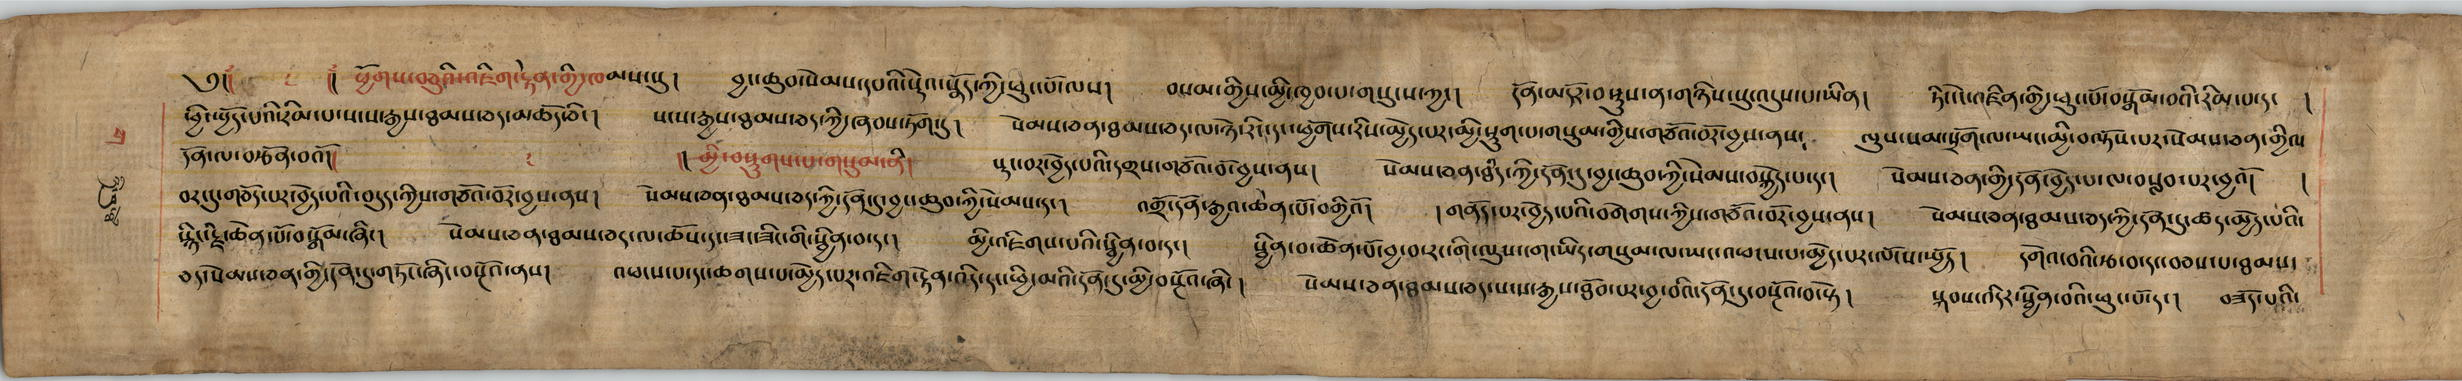༅།། །། ཕྱོགས་བཅུའི་འཇིག་རྟེན་གྱི་ཁམས་སུ། བྱང་ཆུབ་སེམས་དཔའི་སྡེའ་སྣོད་ཀྱི་ཕུང་པོ་ལས། བསམ་གྱིས་མྱི་ཁྱབ་པ་གསུངས་ཀྱང། དོན་མདོར་བསྡུས་ན་གཉིས་སུ་འདུས་པ་ཡིན། ཏིང་ངེ་འཛིན་གྱི་ཕུང་པོ་བསྒོམ་བའི་རིམ་པ་དང །
ཕྱི་སྤྱོད་པའི་རིམ་པ་སངས་རྒྱས་ཐམས་ཅད་མཆོད་ཅིང། སངས་རྒྱས་ཐམས་ཅད་ཀྱི་ཞབས་ཏོག་དུ ། སེམས་ཅན་ཐམས་ཅད་ལ་ཉེ་རིང་དང་ཕྱོགས་རིས་མྱེད་པར་མྱི་སྡུག་པ་གསུམ་གྱིས་གཙོའ་བོར་བྱས་ནས་ ལུས་སམ་སྲོག་ལ་ཡང་མྱི་བལྟོས་པར་སེམས་ཅན་གྱིལ
དོན་ལ་བརྩོན་བའོ།། །། མྱི་བསྡུགས་པ་གསུམ་ནི། སྡང་བར་བྱེད་པའི་དགྲས་གཙོའ་བོ་བྱས་ནས། སེམས་ཅན་ཐཾད་ཀྱི་དོན་དུ་བྱང་ཆུབ་ཀྱི་སེམས་བསྐྱེད་པ་དང། སེམས་ཅན་གྱི་དོན་བྱེད་པ་ལ་བསླབ་པར་བྱའོ། །
བར་དུ་གཅོད་པར་བྱེད་པའི་བདུད་ཀྱིས་གཙོའ་བོར་བྱས་ནས། སེམས་ཅན་ཐམས་ཅད་ཀྱི་དོན་དུ་བྱང་ཆུབ་ཀྱི་སེམས་དང། འགྲོ་དོན་རྒྱའ་ཆེན་པོ་བགྱིའོ། །གནོད་པར་བྱེད་པའི་བགེགས་ཀྱིས་གཙོའ་བོར་བྱས་ནས། སེམས་ཅན་ཐམས་ཅད་ཀྱི་དོན་དུ་ཚད་མྱེད་པའི་
སྙིང་རྗེ་ཆེན་པོ་བསྒོམ་ཞིང། སེམས་ཅན་ཐམས་ཅད་ལ་ཆོས་དང་ཟང་ཟིང་གི་སྦྱིན་བ་དང། མྱི་འཇིགས་པའི་སྦྱིན་བ་དང། སྦྱིན་བ་ཆེན་པོ་བྱ་བ་རང་གི་ལུས་ངག་ཡིད་གསུམ་ལ་ཡང་འཕངས་པ་མྱེད་པར་ལོངས་སྤྱོད། དགེའ་བའི་རྩ་བ་དང་བཅས་པ་ཐམས་
ཅད་སེམས་ཅན་གྱི་དོན་དུ་གཏོང་ཞིང་བསྔོའ་ནས། འཕངས་པ་དང་ཆགས་པ་མྱེད་པར་འཇིག་རྟེན་འདི་དང་ཕྱི་མའི་དོན་དུ་མྱི་བསྔོའ་ཞིང ། སེམས་ཅན་ཐམས་ཅད་སངས་རྒྱས་ཐོབ་པར་བྱ་བའི་དོན་དུ་བསྔོའ་བ་སྟེ། སྐབས་འདིར་སྦྱིན་བའི་ཕུང་པོ་དང། བཟོད་པའི་